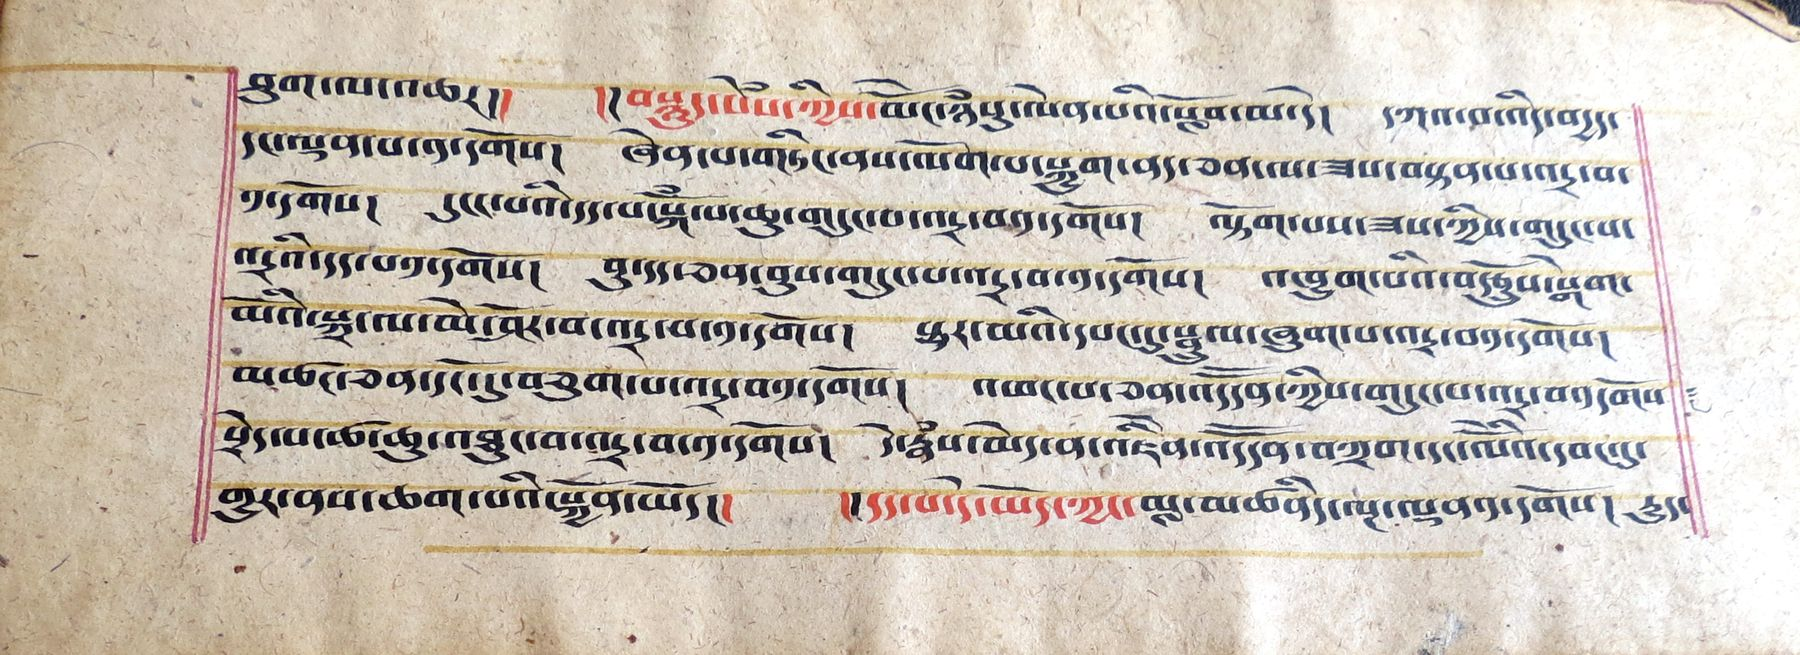ཤུགས་ལས་འཆར། སྙན་རྒྱུད་སེམས་ཀྱི་མེ་ལོང་ཉམས་སུ་ལེན་པའི་སློབ་མ་དེ། དཀའ་བ་འདི་བརྒྱད་
དང་ལྡན་པ་ཞིག་དགོས། ཞེན་པ་གདིང་ནས་ལོག་པ་སྐྱུག་ནད་ཅན་ལ་ཟས་བསྟན་པ་འདྲ་བ་
ཞིག་དགོས། གདུང་པའི་དད་པ་སྐོམ་པ་ཆུས་གདུང་བ་འདྲ་བ་ཞིག་དགོས། ལྟོགས་པ་ཟས་ཀྱིས་གདུང་བ་
འདྲ་བའི་དད་པ་ཞིག་དགོས། བུ་དད་ཅན་བུས་གདུང་བ་འདྲ་བ་ཞིག་དགོས། འཁྱུགས་པའི་བརྩོན་འགྲུས་སྒེག་
མོའི་སྐྲ་ལ་མེ་ཤོར་བ་འདྲ་བ་ཞིག་དགོས། སྡར་མའི་པང་དུ་སྦྲུལ་ཞུགས་པ་འདྲ་བ་ཞིག་དགོས། 
མཚང་ཆེན་དོང་དུ་ཚུད་པ་འདྲ་བ་ཞིག་དགོས། ཕོངས་པ་འདོད་ཡོན་གྱིས་གདུང་ཞིག་དགོས་
སྲེད་པ་ཅན་ཚྭ་ཆུ་འཐུང་པ་འདྲ་བ་ཞིག་དགོས། དེ་རྣམས་མེད་ན་འཇིག་རྟེན་འདོད་ཡོན་གྱི་བཀྲག་ལ་ཆགས་པ་དང་ལེ་ལོའི་དབང་དུ་
འགྲོ་བའི་སྐྱོན་ཡོད། དད་པ་དེ་ཡོད་ཀྱང། བླ་མ་མཚན་ཉིད་དང་ལྡན་པ་ཞིག་དགོས། བརྒྱུད་